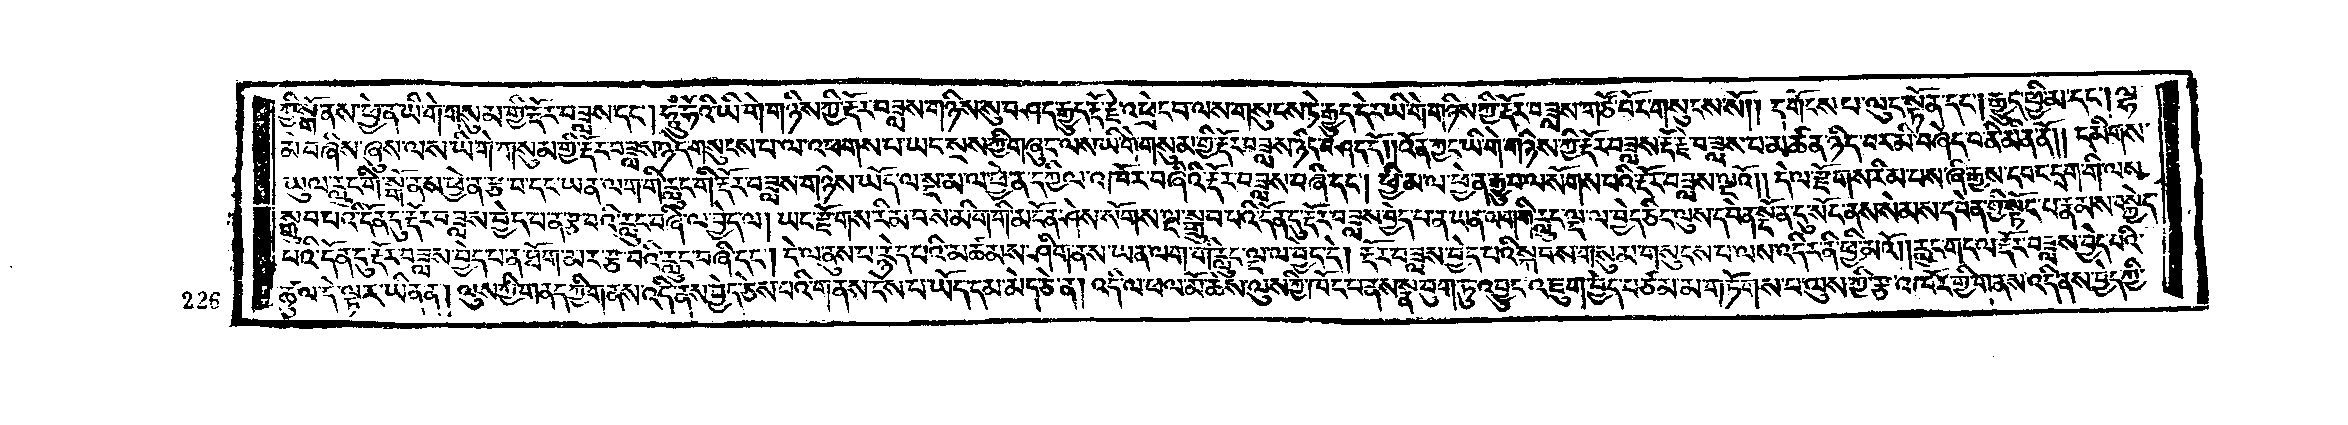ཀྱི་སྒོ་ནས་ཕྱེ་ན་ཡི་གེ་གསུམ་གྱི་རྡོར་བཟླས་དང་། ཧཱུཾ་ཧོའི་ཡི་གེ་གཉིས་ཀྱི་རྡོར་བཟླས་གཉིས་སུ་བཤད་རྒྱུད་རྡོ་རྗེ་འཕྲེང་བ་ལས་གསུངས་ཏེ་རྒྱུད་དེར་ཡི་གེ་གཉིས་ཀྱི་རྡོར་བཟླས་གཙོ་བོར་གསུངས་སོ། །དགོངས་པ་ལུང་སྟོན་དང་། རྒྱུད་ཕྱི་མ་དང་། ལྷ་
མོ་བཞིས་ཞུས་ལས་ཡི་གེ་གསུམ་གྱི་རྡོར་བཟླས་ཉིད་གསུངས་པ་ལ་འཕགས་པ་ཡབ་སྲས་ཀྱི་གཞུང་ལས་ཡི་གེ་གསུམ་གྱི་རྡོར་བཟླས་ཉིད་བཤད་དོ། །འོན་ཀྱང་ཡི་གེ་གཉིས་ཀྱི་རྡོར་བཟླས་རྡོ་རྗེ་བཟླས་པ་མཚན་ཉིད་པར་མི་བཞེད་པ་ནི་མིན་ནོ། །དམིགས་
ཡུལ་རླུང་གི་སྒོ་ནས་ཕྱེ་ན་རྩ་བ་དང་ཡན་ལག་གི་རླུང་གི་རྡོར་བཟླས་གཉིས་ཡོད་ལ་སྔ་མ་ལ་ཕྱེ་ན་དཀྱིལ་འཁོར་བཞིའི་རྡོར་བཟླས་བཞི་དང་། ཕྱི་མ་ལ་ཕྱེ་ན་རྒྱུ་བ་ལ་སོགས་པའི་རྡོར་བཟླས་ལྔའོ། །དེ་ལ་རྫོགས་རིམ་པས་ཞི་རྒྱས་དབང་དྲག་གི་ལས་
སྒྲུབ་པའི་དོན་དུ་རྡོར་བཟླས་བྱེད་པ་ན་རྩ་བའི་རླུང་བཞི་ལ་བྱེད་ལ། ཡང་རྫོགས་རིམ་པས་མིག་གི་མངོན་ཤེས་སོགས་ལྔ་སྒྲུབ་པའི་དོན་དུ་རྡོར་བཟླས་བྱེད་པ་ན་ཡན་ལག་གི་རླུང་ལྔ་ལ་བྱེད་ཅིང་ལུས་དབེན་སྔོན་དུ་སོང་ནས་སེམས་དབེན་གྱི་སྟོང་པ་རྣམས་བསྐྱེད་
པའི་དོན་དུ་རྡོར་བཟླས་བྱེད་པ་ན་ཐོག་མར་རྩ་བའི་རླུང་བཞི་དང་། དེ་ལ་ནུས་པ་རྙེད་པའི་མཚམས་ཤིག་ནས་ཡན་ལག་གི་རླུང་ལྔ་ལ་བྱེད་དེ། རྡོར་བཟླས་བྱེད་པའི་སྐབས་གསུམ་གསུངས་པ་ལས་འདིར་ནི་ཕྱི་མའོ། །རླུང་གང་ལ་རྡོར་བཟླས་བྱེད་པའི་
ཚུལ་དེ་ལྟར་ཡིན་ན། ལུས་ཀྱི་གནད་ཀྱི་གནས་འདི་ནས་བྱེད་ཅེས་པའི་གནས་ངེས་པ་ཡོད་དམ་མེད་ཅེ་ན། འདི་ལ་ཕལ་མོ་ཆེས་ལུས་ཀྱི་ཁོང་པ་ནས་སྣ་བུག་ཏུ་འབྱུང་འཇུག་བྱེད་པ་ཙམ་མ་གཏོགས་པ་ལུས་ཀྱི་རྩ་འཁོར་གྱི་གནས་འདི་ནས་བྱེད་ཀྱི་